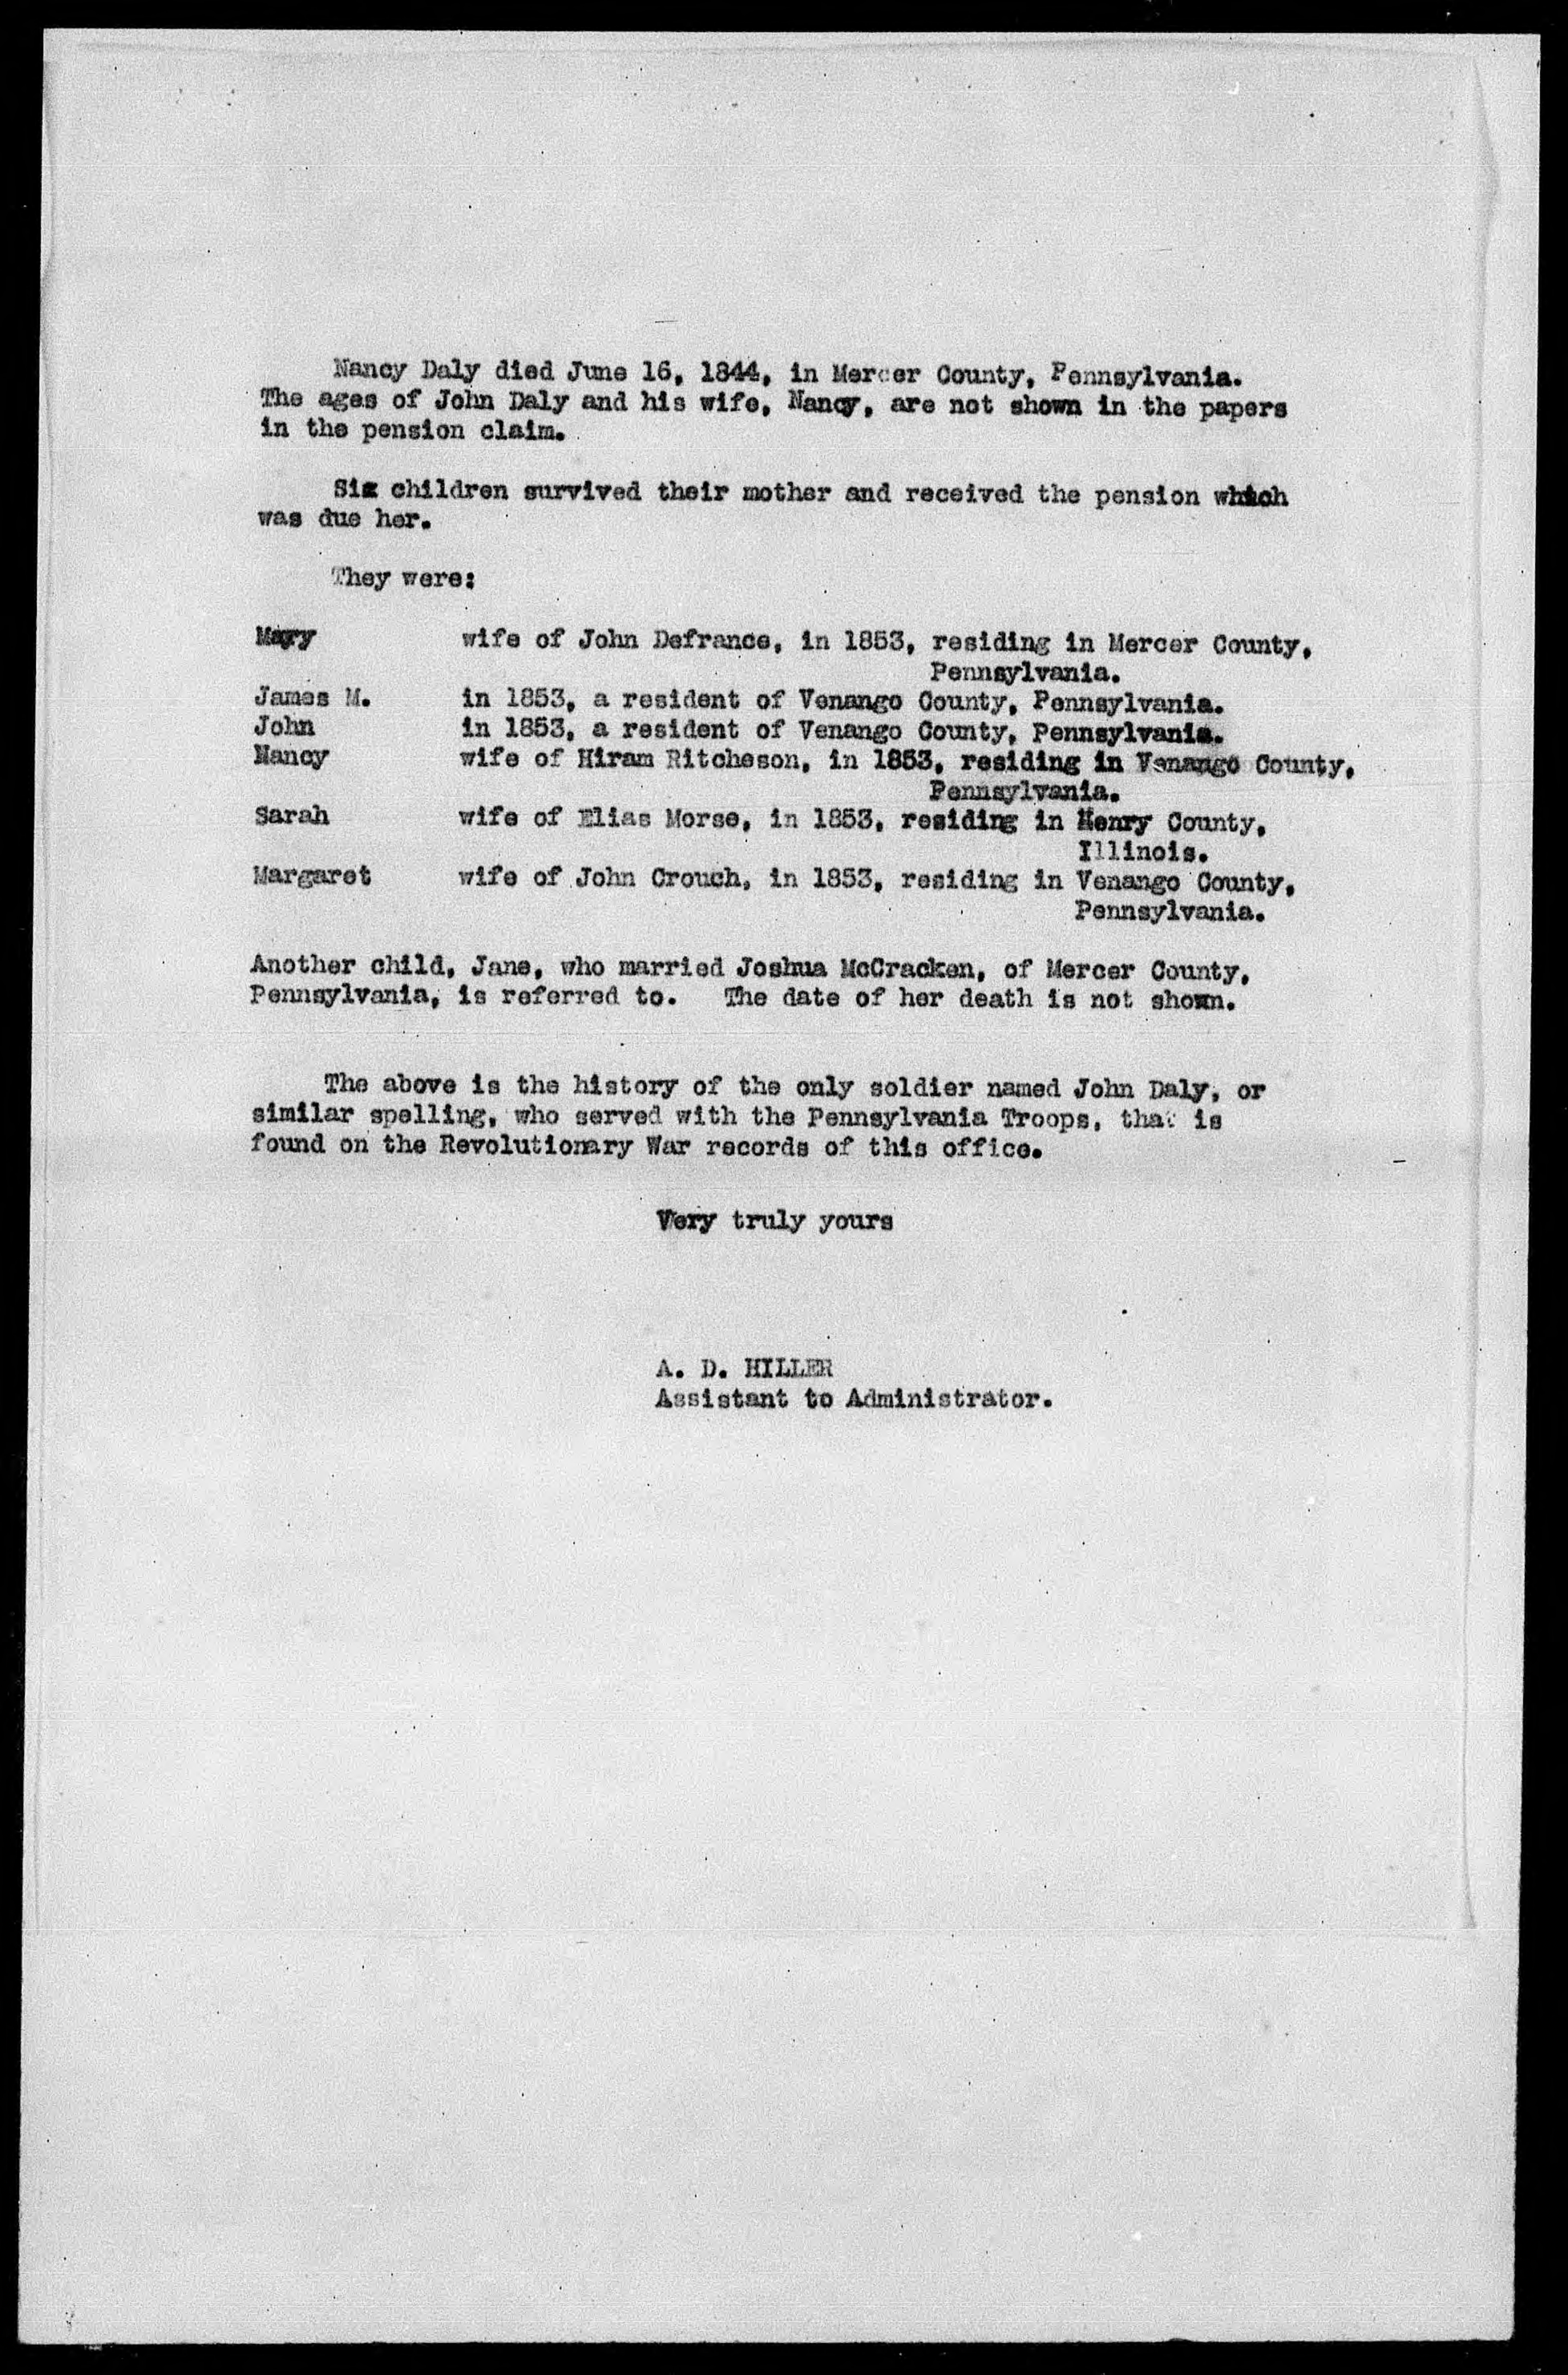Nancy Daly died June 16, 1844, in Mercer County, Pennsylvania. The ages of John Daly  and his wife, Nancy, are not shown in the papers in the pension claim.
Six children survived their mother and received the pension which was due her.
They were:
Mary wife of John Defrance, in 1853, residing in Mercer County, Pennsylvania.
James M. in 1853, a resident of Venango County, Pennsylvania.
John in 1853, a resident of Venango County, Pennsylvania.
Nancy wife of Hiram Ritcheson, in 1853, residing in Venango County, Pennsylvania.
Sarah wife of Elias Morse, in 1853, residing in Henry County, Illinois.
Margaret wife of John Crouch, in 1853, residing in Venango County, Pennsylvania.

Another child, Jane, who married Joshua McCracken, of Mercer County, Pennsylvania, is referred to. The date of her death is not shown.
The above is the history of the only soldier named John Daly, or similar spelling, who served with the Pennsylvania Troops, that is
found on the Revolutionary War records of this office.
Very truly yours
A. D. HILLER
Assistant to Administrator.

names: Joshua Mc Cracken, Nancy, John Crouch, John Daly, James M, Jane, Elias Morse, Sarah, Hiram Ritcheson, Nancy Daly, A D Hiller, Nancy, Mary, John, Margaret, John Daly, John Defrance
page: 17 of 63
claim: widow's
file: W. 3228, John Daly, Penn.